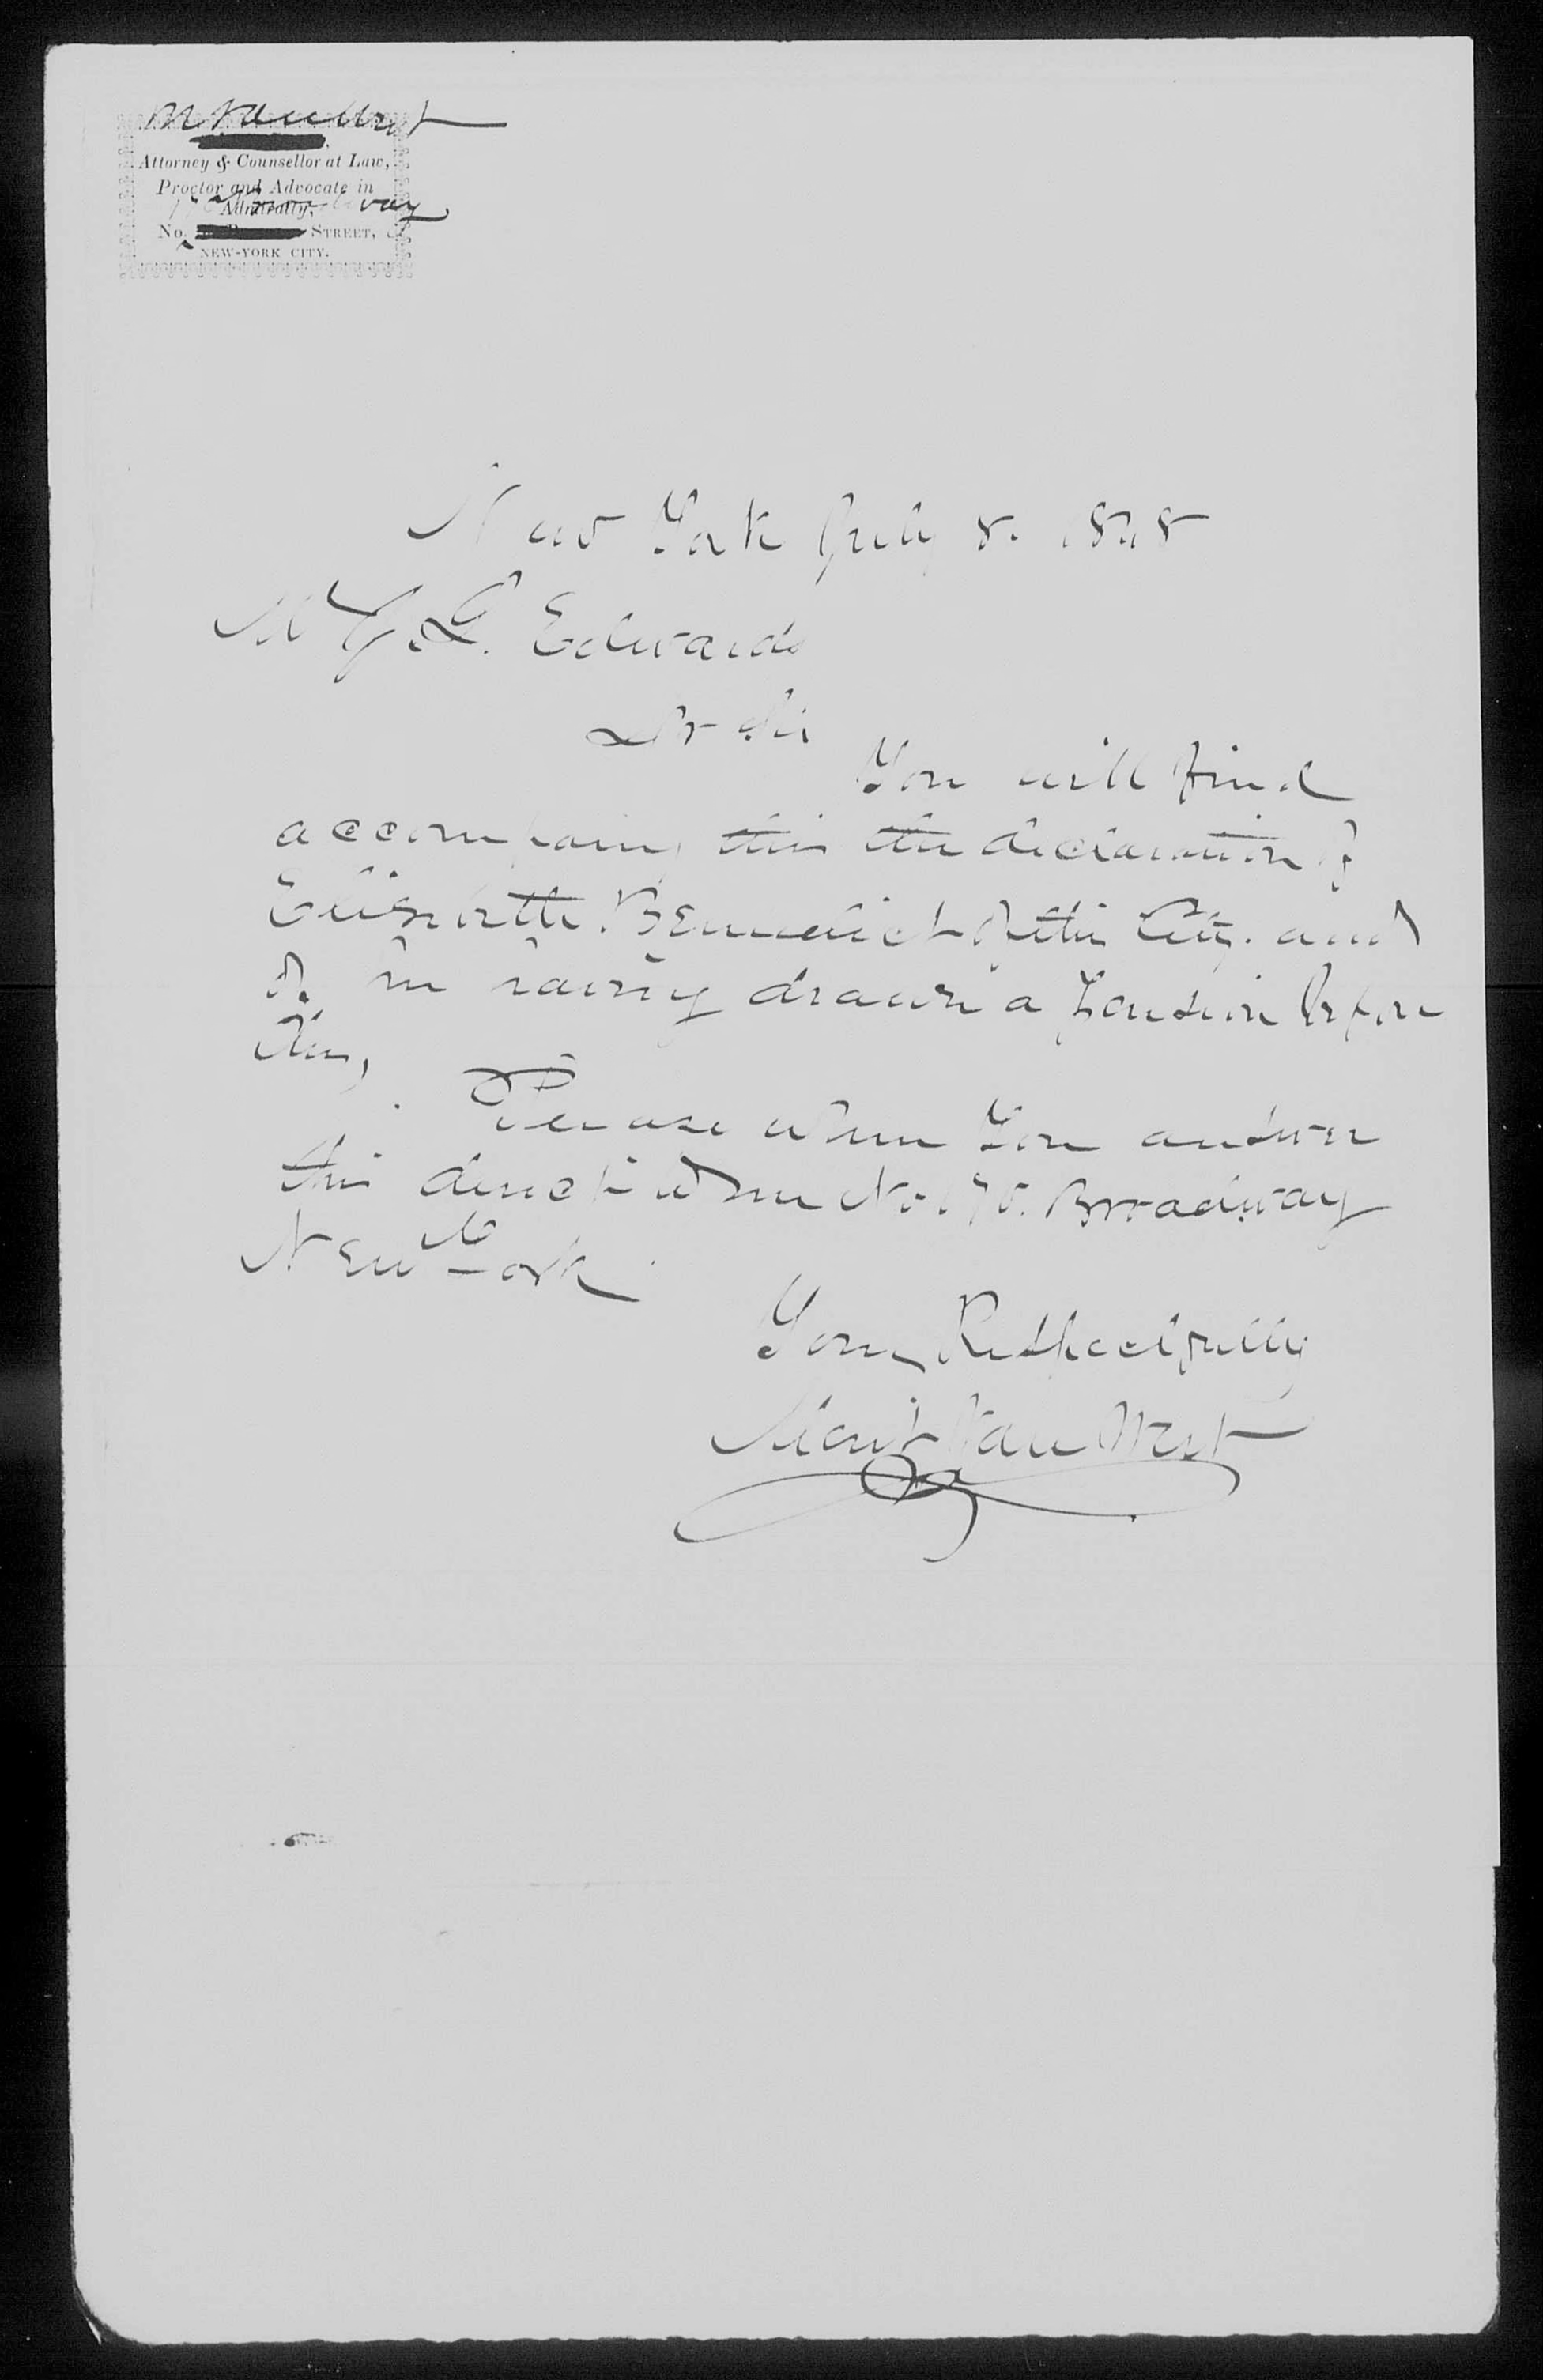M Van West
Attorney & Counsellor at Law
Proctor and Advocate in
No. 170 Broadway Street
NEW-YORK CITY.

      NewYork July 8. 1848
Mr J.L. Edwards
           Dr Sir,
                          You will find
accomanying, this the declaration of
Elizabeth Benedict of this city and
of her having drawn a Pension
this,
     Please when you answer
this direct it to 170 Broadway
New York

                          Yours Respectfully
                      Merit Van West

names: J L Edwards, Merit Van Wert, Elizabeth Benedict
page: 33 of 56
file: [ILLEGIBLE], Jonah Benedict, Conn.